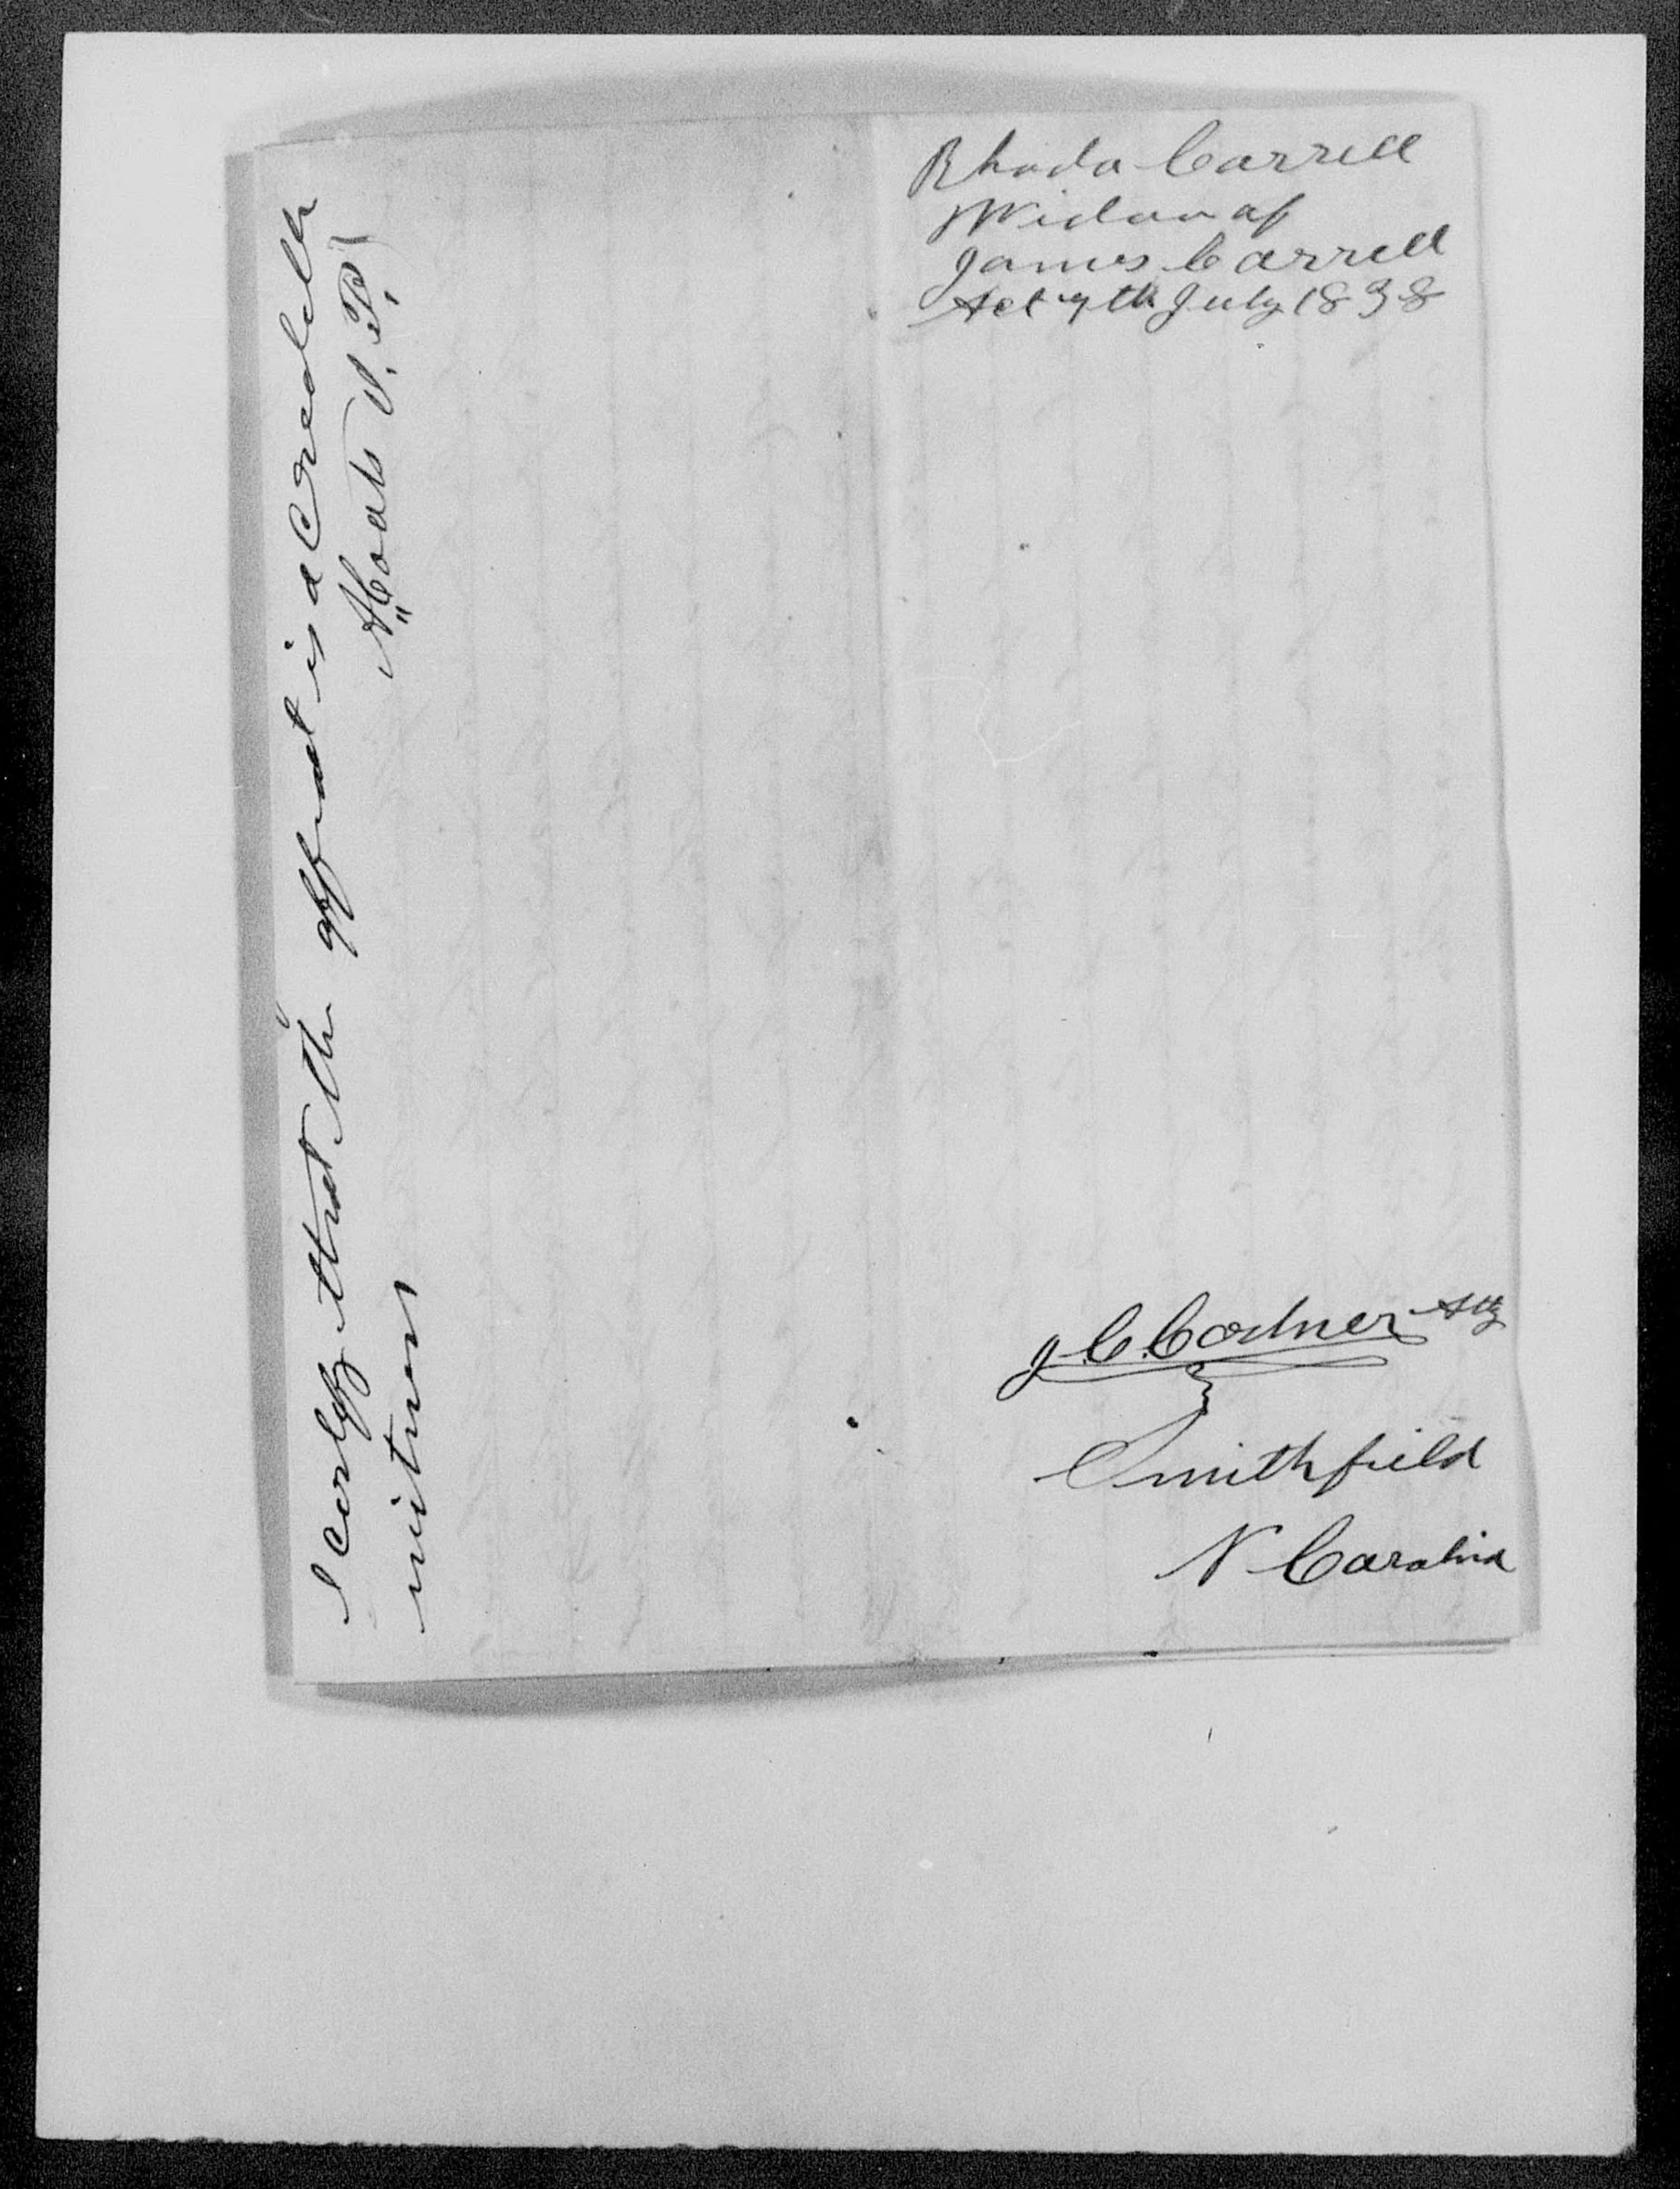I certify that the affiant is a credible witness.  A. Coats JP

Rhoda Carrell
widow of 
James Carrell
Act 7th July 1838




JC Codner Atty
Smithfield 
N Carolina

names: James Carrell, Rhoda Carrell, J C Codner, A Coats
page: 51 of 86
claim: widow's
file: W. 6899, James Carrell, N.C.